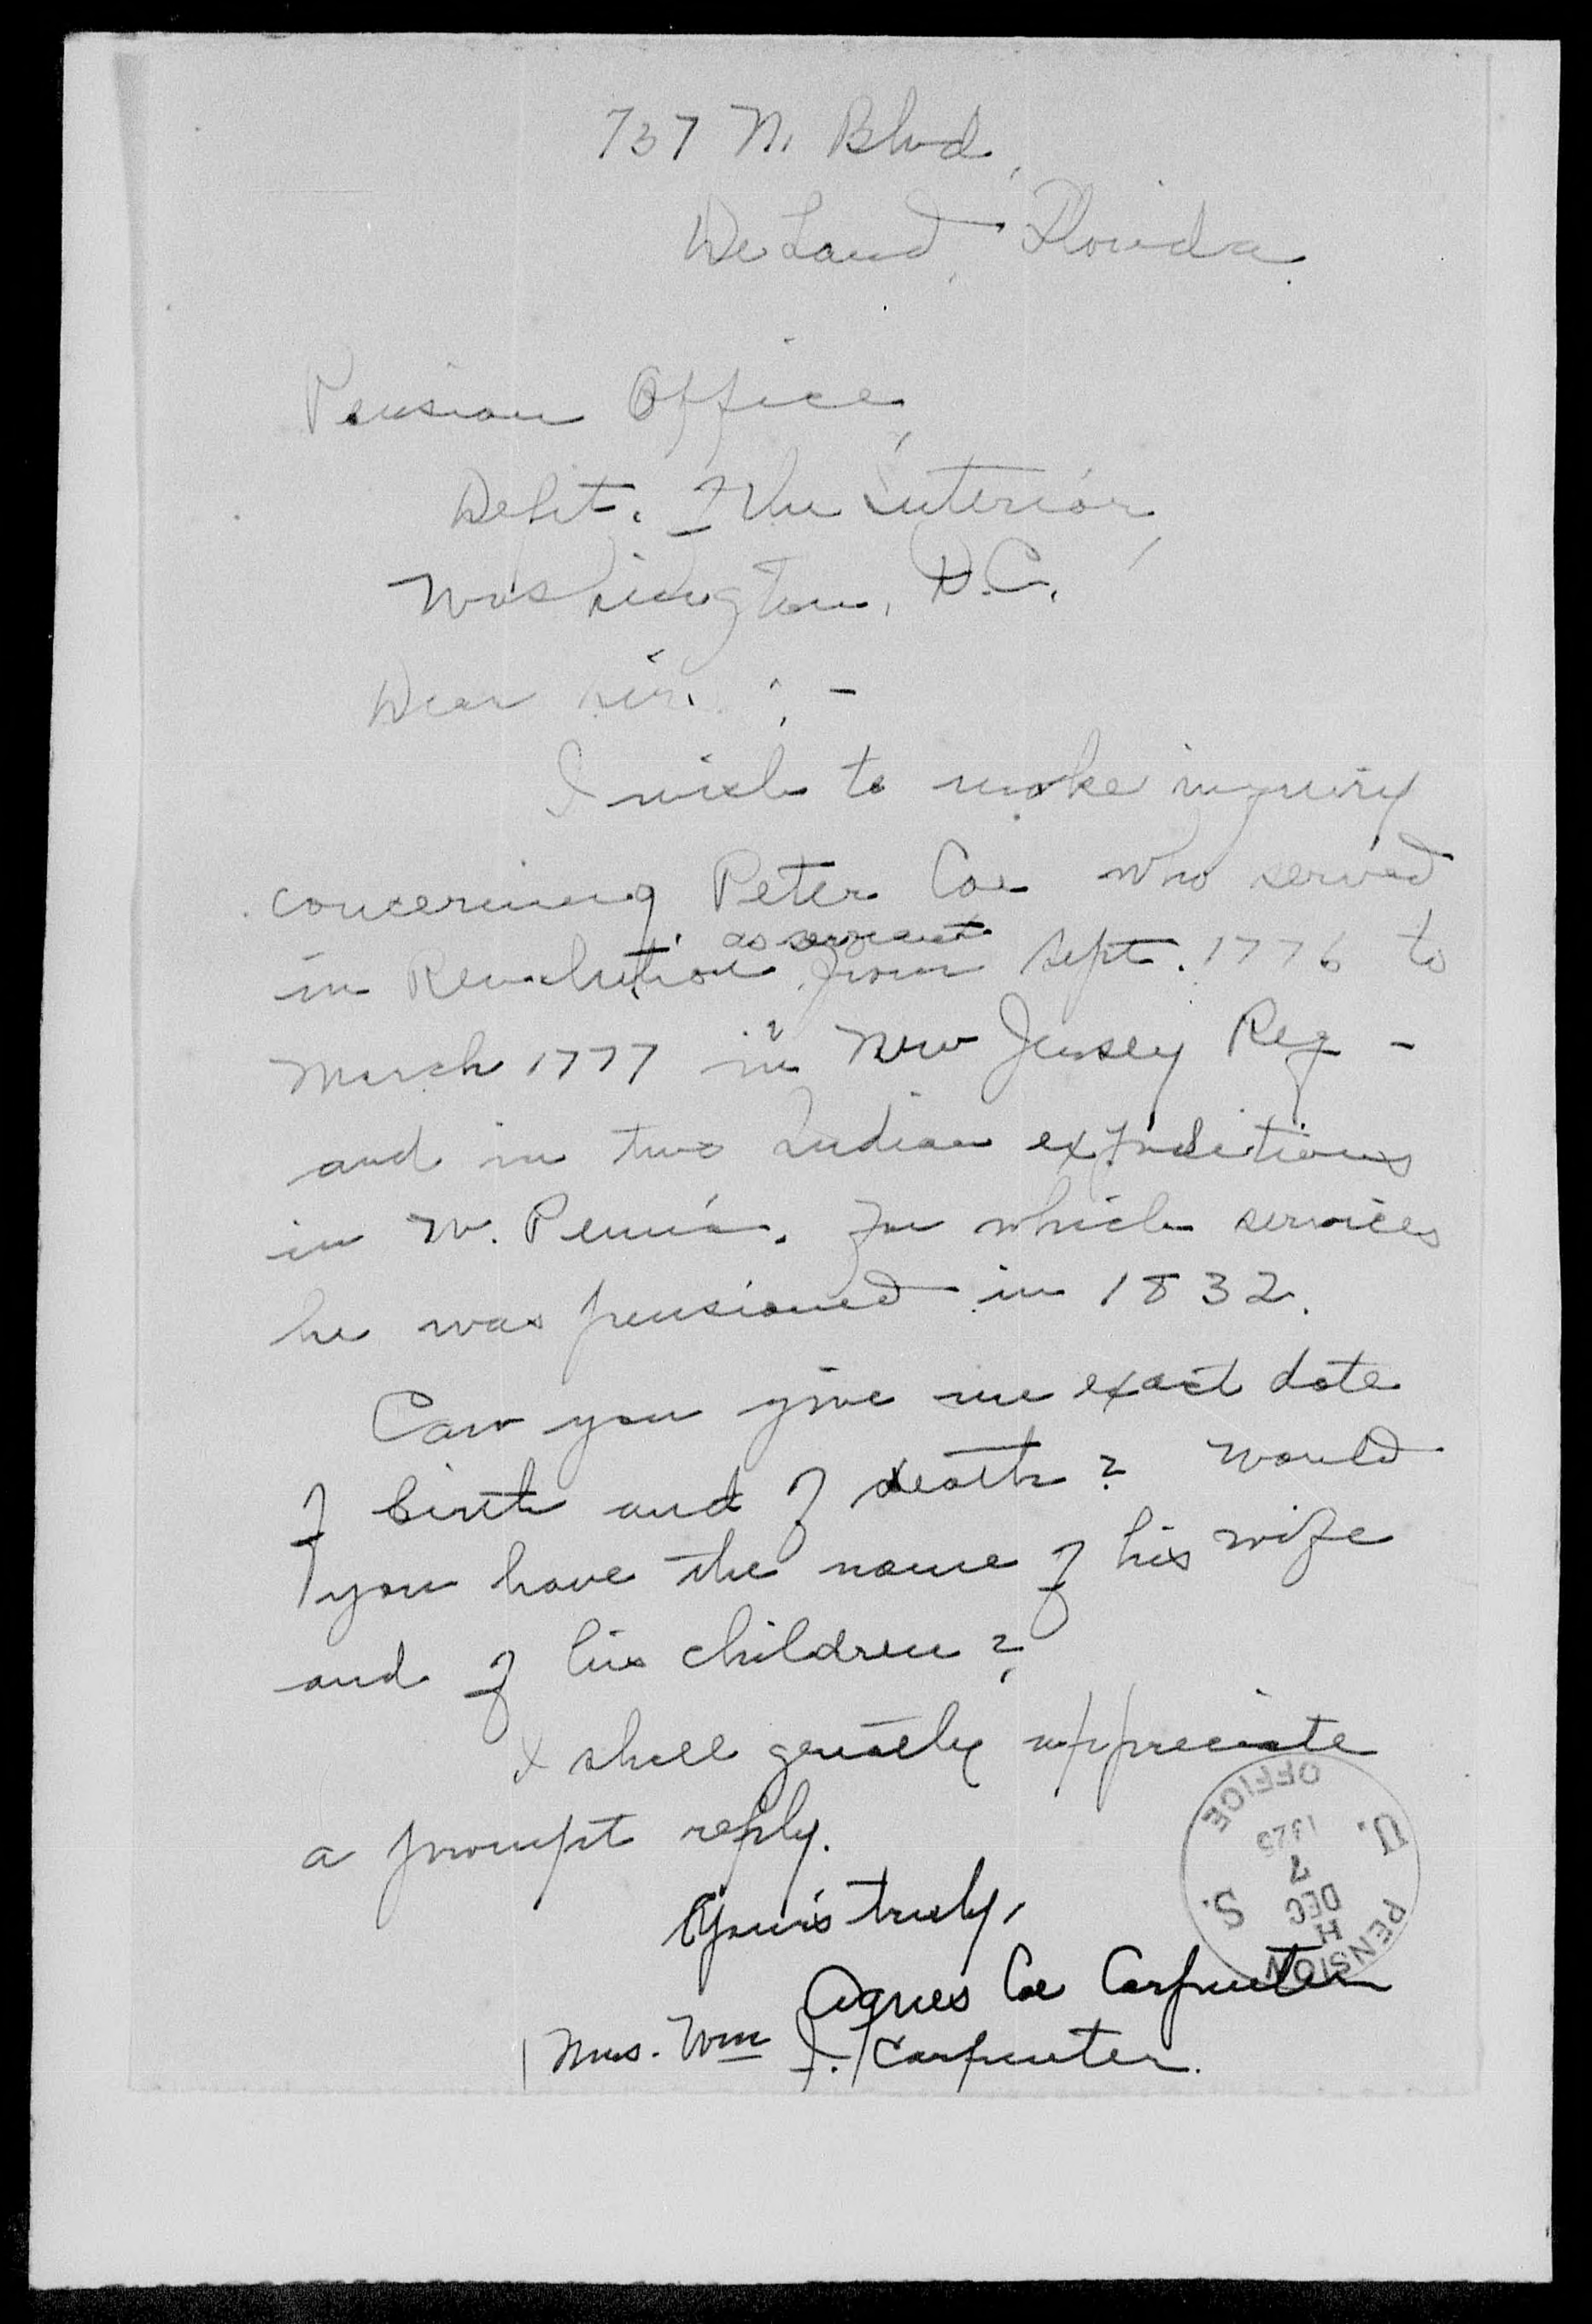737 N. Blvd.
DeLand, Florida

Pension Office
Dept. of The Interior,
Washington, D.C.

Dear Sir.;-
I wish to make inquiry concerning Peter Coe who served in Revolution as sergeant from Sept. 1776 to March 1777 in New Jersey Reg. and in two Indian expeditions in W. Penns. for which services he was pensioned in 1832.
Can you give me exact date of birth and of death? Would you have the name of his wife and of his children?
I shall greatly appreciate a prompt reply.
Yours truly,
Agnes Coe Carpenter
Mrs. Wm J. Carpenter.

[stamp] PENSION U.S. OFFICE DEC 7 1925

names: Wm J Carpenter, Peter Coe, Agnes Coe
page: 17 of 23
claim: survivor's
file: S. 3167, Peter Coe, New Jersey Penn.